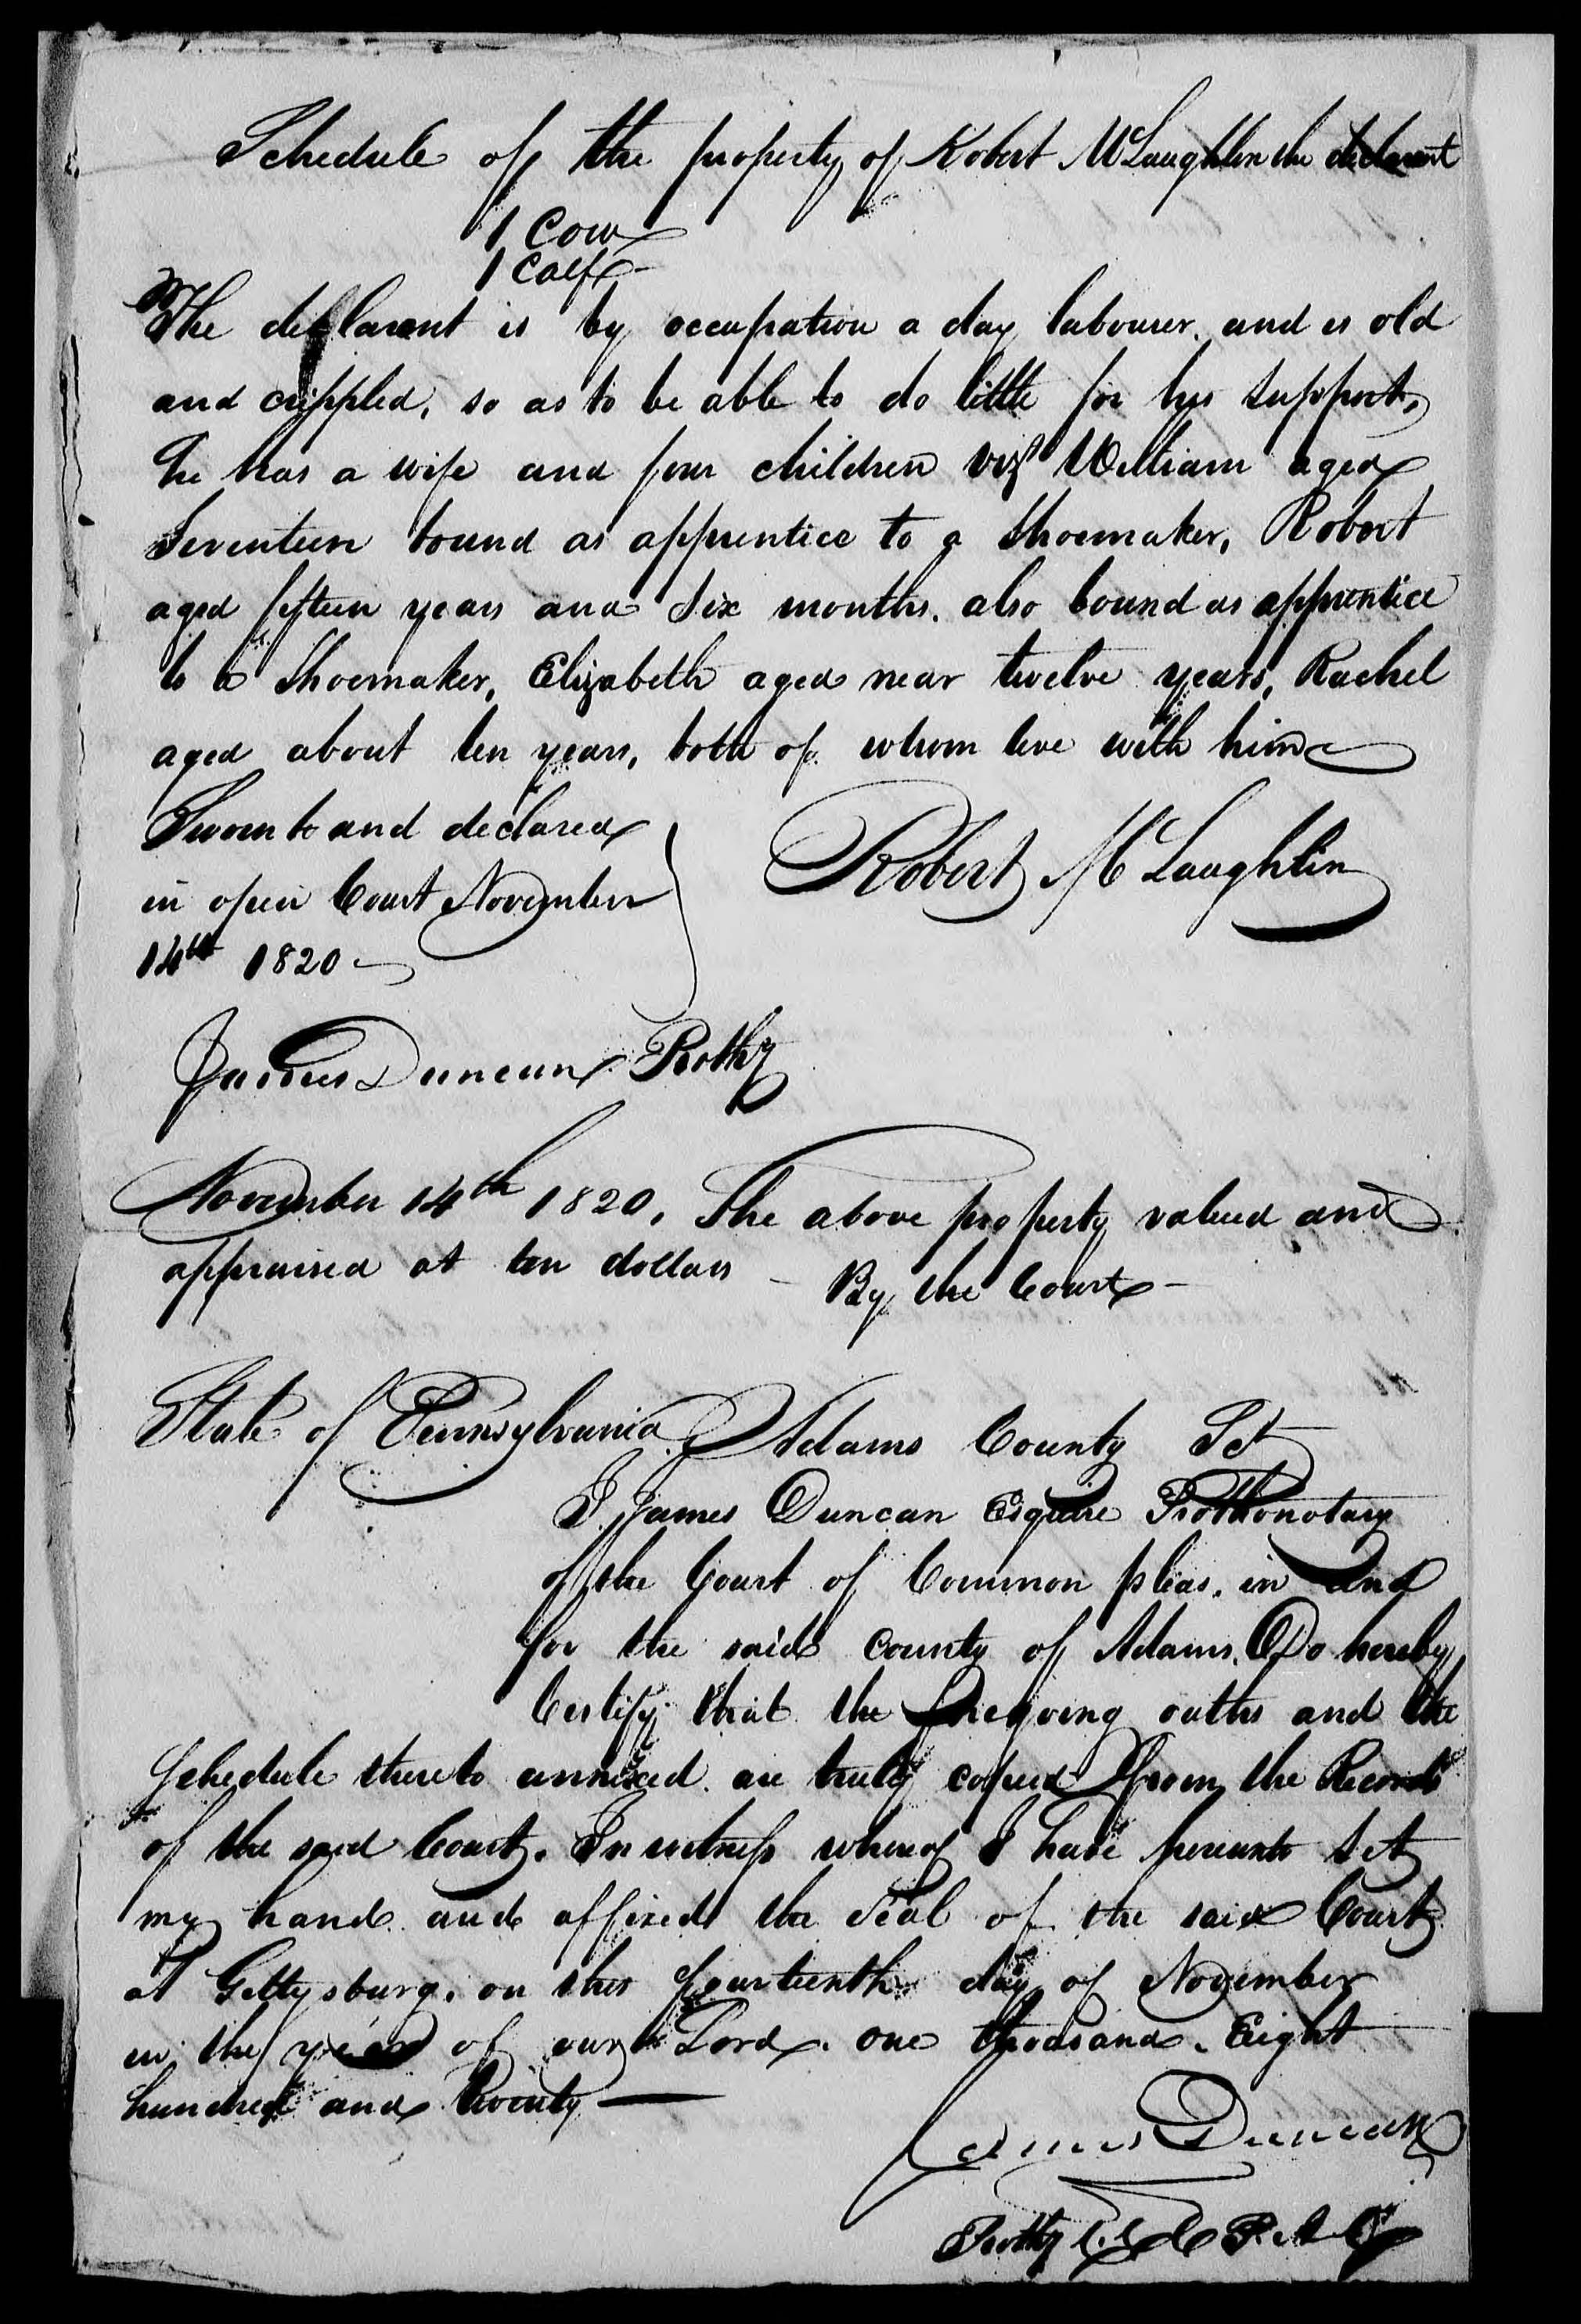Schedule of the property of Robert McLaughlin the declarant
1 cow
1 calf
The declarent is by occupation a day labourer and is old and crippled, so as to be able to do little for his support, he has a wife and four children Viz William aged Seventeen bound as apprentice to a Shoemaker, Robert aged fifteen years and six months, also bound as apprentice to a Shoemaker, Elizabeth aged near twelve years, Rachel aged about ten years, both of whom live with him
Sworn to and declared in open Court November 14th 1820
Robert McLaughlin
James Duncan Prothy

November 14th 1820, The above property valued and appraised at ten dollars - By the courts

State of Pennsylvania Adams County Sct
I James Duncan Esquire Prothonotary of the Court of Common pleas in and for the said county of Adams Do hereby certify that the foregoing oaths and the Schedule thereto annexed, as duly copied from the Records of the said Court In witness whereof I have hereunto Set my hand and affixed the Seal of the said Court at Gettysburg, on this fourteenth day of November in the year of our Lord, one thousand eight hundred and twenty - 
[signed] James Duncan
Prothy C C C re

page: 11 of 19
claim: survivor's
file: S. 40,146, for Robert Mc Laughlin, Pennsylvania